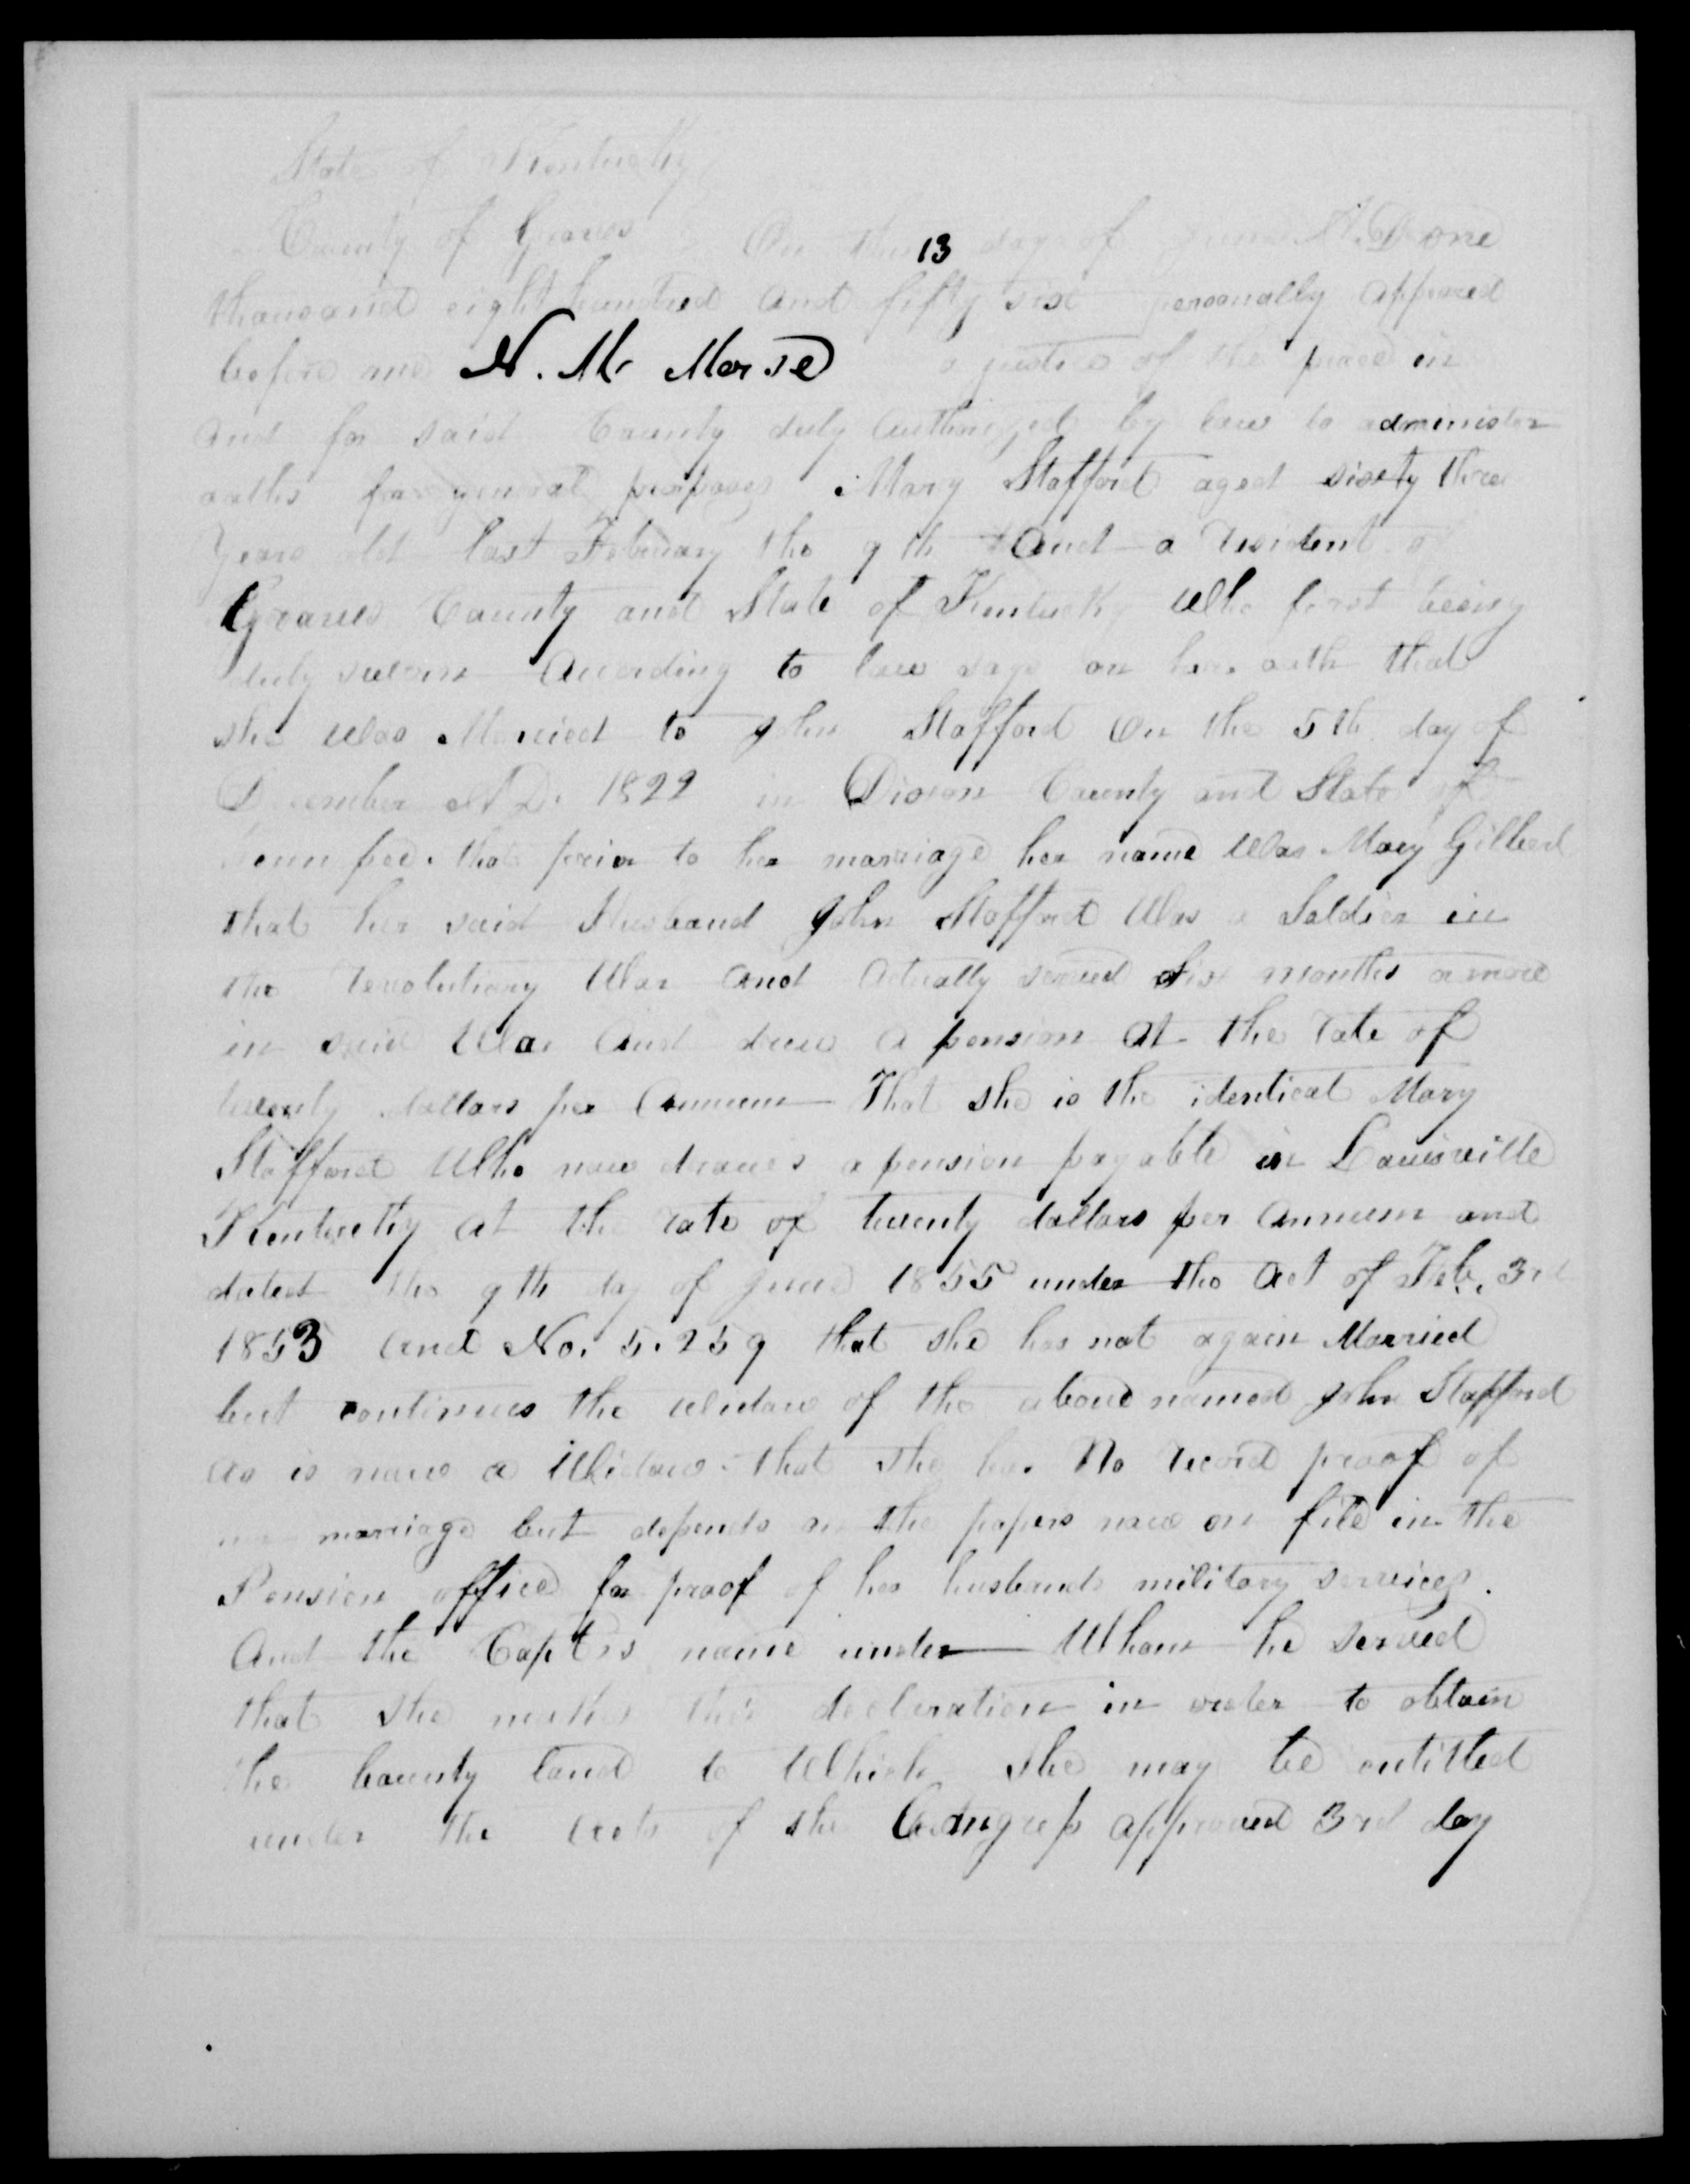State of Kentucky

County of Graves
On the 13 day of June A. D. one thousand eight hundred and fifty six personally appeared before me H. M. Morse a justice of the peace in and for said County duly authorized by law to administer oaths for general purposes. Mary Stafford aged sixty three years old last February the 9th and a resident of Graves County and State of Kentucky  The[?] first being duly sworn according to law says on her oath that she was Married to John Stafford on the 5th day of December A.D. 1822 in Dixon County and State of Tennefsee. That [unreadable] to her marriage her name was Mary Gillied that her said Husband John Stafford Was a Soldier in the Revolutionary War and actually Six months or more in the said War And drew a pension at the rate of twenty dollars per Annum That she is the identical Mary Stafford Who now draws a pension payable in Louisville Kentucky at the rate of twenty dollars per Annum and dated this 9th day of June 1855 under the Act of Feb 3, 1853 and No. 5.259 that she has not again Married but continues the Widow of the above named John Stafford. As is now a Widow that she has no record proof other marriage but depends on the papers now on file in the Pension office for proof of her husbands military services.And the Capt’s name under Whom he served that she makes this declaration in order to obtain the bounty land to Which she may be entitled under the acts of the Congress approved 3rd day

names: Mary Stafford; N M Morse; John Stafford; Mary Stafford; Mary Gilbert; John Stafford; John Stafford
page: 13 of 61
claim: widow's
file: W. 11554, for John Stafford, Maryland